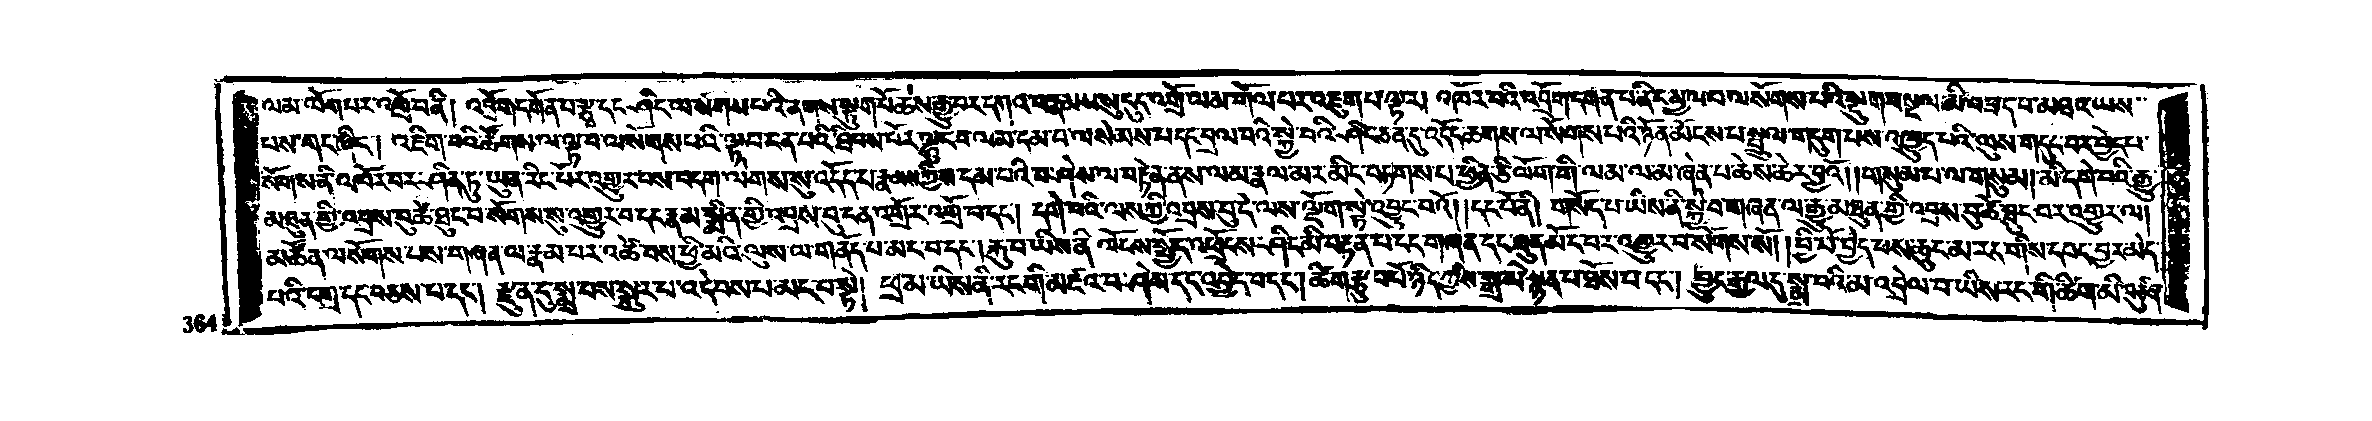ལམ་ལོག་པར་འགྲོ་བ་ནི། འབྲོག་དགོན་པ་རྩྭ་དང་ཤིང་ལ་སོགས་པའི་ནགས་ལྟུག་པོ་ཆེས་རྒྱུ་བར་དཀའ་བ་རྣམས་སུ་དུད་འགྲོ་ལམ་གོལ་བར་འཇུག་པ་ལྟར། འཁོར་བའི་འབྲོག་དགན་པ་ནི་དམྱལ་བ་ལ་སོགས་པའི་སྡུག་བསྔལ་མི་བཟད་པ་མཐའ་ཡས་
པས་གང་ཞིང་། འཇིག་པའི་ཚོགས་ལ་ལྟ་བ་ལ་སོགས་པའི་ལྟ་བ་ངན་པའི་ཐིབས་པོར་ལྷུང་བ་ལམ་དམ་པ་ལ་སེམས་པ་དང་བྲལ་བའི་སྐྱེ་བའི་ཤིང་ཅན་དུ་འདོད་ཆགས་ལ་སོགས་པའི་ཉོན་མོངས་པ་སྤྲུལ་གདུག་པས་འཁྱུད་པའི་ལུས་གདུང་བར་བྱེད་པ་
སོགས་ནི་འཁོར་བར་ཤིན་ཏུ་ཡུན་རིང་པོར་འགྱུར་པས་བདག་ལེགས་སུ་འདོད་པ་རྣམས་ཀྱིས་དམ་པའི་བ་ཤེས་ལ་བརྟེན་ནས་ལམ་རྣལ་མར་མིང་བཏགས་པ་ཕྱིན་ཅི་ལོག་གི་ལམ་ལ་མ་ཞེན་པ་ཆེས་ཆེར་བྱའོ། །གསུམ་པ་ལ་གསུམ། མི་དགེ་བའི་རྒྱུ་
མཐུན་གྱི་འབྲས་བུ་ཚེ་ཐུང་བ་སོགས་སུ་འགྱུར་བ་དང་རྣམ་སྨིན་གྱི་འབྲས་བུ་ངན་འགྲོར་འགྲོ་བ་དང་། དགེ་བའི་ལས་ཀྱི་འབྲས་བུ་དེ་ལས་ལྡོག་སྟེ་འབྱུང་བའོ། །དང་པོ་ནི། གསོད་པ་ཡིས་ནི་སྐྱེ་བ་གཞན་ལ་རྒྱུ་མཐུན་གྱི་འབྲས་བུ་ཚེ་ཐུང་བར་འགྱུར་ལ།
མཚོན་ལ་སོགས་པས་གཞན་ལ་རྣམ་པར་འཚེ་བས་ཕྱི་མའི་ལུས་ལ་གནོད་པ་མང་བ་དང་། རྐུ་བ་ཡིས་ནི་ལོངས་སྤྱོད་འཕྲོངས་ཤིང་མི་བརྟན་པ་དད་གཞན་དང་ཐུན་མོང་བར་འགྱུར་བ་སོགས་སོ། །བྱི་པོ་བྱེད་པས་ཆུང་མ་རང་གིས་དབང་བྱར་མེད་
པའི་དགྲ་དང་བཅས་པ་དང་། རྫུན་དུ་སྨྲ་བས་སྐུར་བ་འདེབས་པ་མང་བ་སྟེ། ཕྲ་མ་ཡིས་ནི་རང་གི་མཛའ་བ་ཤེས་དད་འབྱེད་པ་དང་། ཚིག་རྩུབ་པོ་ཉིད་ཀྱིས་སྒྲ་མི་སྙན་པ་ཐོས་པ་དང་། བྱུང་རྒྱལ་དུ་སྨྲ་བའི་མ་འབྲེལ་བ་ཡིས་རང་གི་ཚིག་མི་བཙུན་